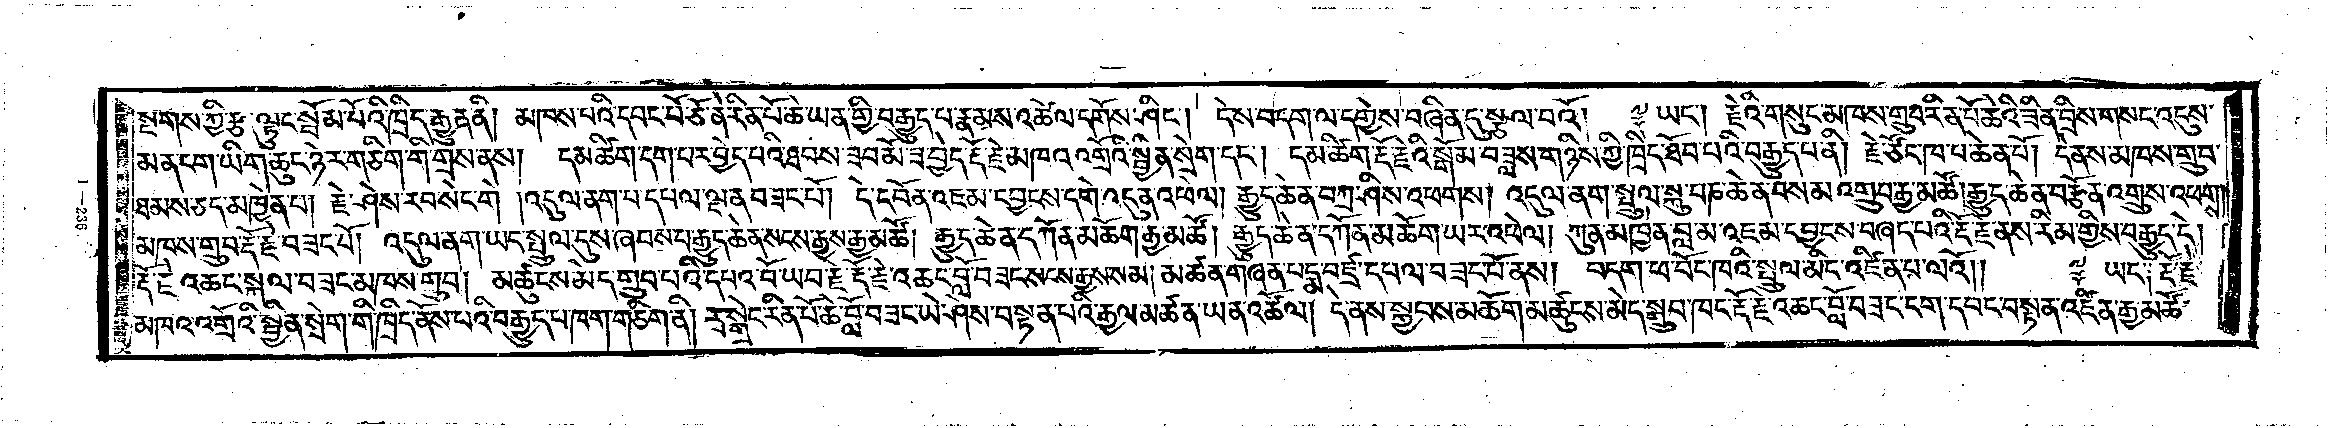སྔགས་ཀྱི་རྩ་ལྟུང་སྦོམ་པོའི་ཁྲིད་རྒྱུན་ནི། མཁས་པའི་དབང་པོ་ཅོ་ནེ་རིན་པོ་ཆེ་ཡན་གྱི་བརྒྱུད་པ་རྣམས་འཚེལ་དགོས་ཤིང་། དེས་བདག་ལ་དགྱེས་བཞིན་དུ་སྩལ་བའོ། འ་ཡང་། རྗེའི་གསུང་མཁས་གྲུབ་རིན་པོ་ཆེའི་ཟིན་བྲིས་གསང་འདུས་
མན་ངག་ཡིག་ཆུང་ཉེར་གཅིག་གི་གྲས་ནས། དམ་ཚིག་དག་པར་བྱེད་པའི་ཐབས་ཟབ་མོ་ཟ་བྱེད་རྡོ་རྗེ་མཁའ་འགྲོའི་སྦྱིན་སྲེག་དང་། དམ་ཚིག་རྡོ་རྗེའི་སྒོམ་བཟླས་གཉིས་ཀྱི་ཁྲིད་ཐོབ་པའི་བརྒྱུད་པ་ནི། རྗེ་ཙོང་ཁ་པ་ཆེན་པོ། དེ་ནས་མཁས་གྲུབ་
ཐམས་ཅད་མཁྱེན་པ། རྗེ་ཤེས་རབ་སེང་གེ །འདུལ་ནག་པ་དཔལ་ལྡན་བཟང་པོ། དེ་དབོན་འཇམ་དབྱངས་དགེ་འདུན་འཕེལ། རྒྱུད་ཆེན་བཀྲ་ཤིས་འཕགས། འདུལ་ནག་སྤྲུལ་སྐུ་པཎ་ཆེན་བསམ་འགྲུབ་རྒྱ་མཚོ་།རྒྱུད་ཆེན་བརྩོན་འགྲུས་འཕགས།
མཁས་གྲུབ་རྡོ་རྗེ་བཟང་པོ། འདུལ་ནག་ཡང་སྤྲུལ་དུས་ཞབས་བ་རྒྱུད་ཆེན་སངས་རྒྱས་རྒྱ་མཚོ། རྒྱུད་ཆེན་དཀོན་མཆོག་རྒྱ་མཚོ། རྒྱུད་ཆེན་དཀོན་མཆོག་ཡར་འཕེལ། ཀུན་མཁྱེན་བླ་མ་འཇམ་དབྱངས་བཞད་པའི་རྡོ་རྗེ་ནས་རིམ་གྱིས་བརྒྱུད་དེ།
རྡོ་རྗེ་འཆང་སྐལ་བཟང་མཁས་གྲུབ། མཚུངས་མེད་གྲུབ་པའི་དཔའ་བོ་ཡབ་རྗེ་རྡོ་རྗེ་འཆང་བློ་བཟང་སངས་རྒྱས་སམ། མཚན་གཞན་པདམ་བཛྲ་དཔལ་བཟང་པོ་ནས། བདག་ཕ་བོང་ཁའི་སྤྲུལ་མིང་འཛིན་པ་ལའོ།། འ་ཡང༑ རྡོ་རྗེ་
མཁའ་འགྲོའི་སྦྱིན་སྲེག་གི་ཁྲིད་ནོས་པའི་བརྒྱུད་པ་ཁག་གཅིག་ནི། རྭ་སྒྲེང་རིན་པོ་ཆེ་བློ་བཟང་ཡེ་ཤེས་བསྟན་པའི་རྒྱལ་མཚན་ཡན་འཚོལ། དེ་ནས་སྐྱབས་མཆོག་མཚུངས་མེད་སྒྲུབ་ཁང་རྡོ་རྗེ་འཆང་བློ་བཟང་ངག་དབང་བསྟན་འཛིན་རྒྱ་མཚོ་